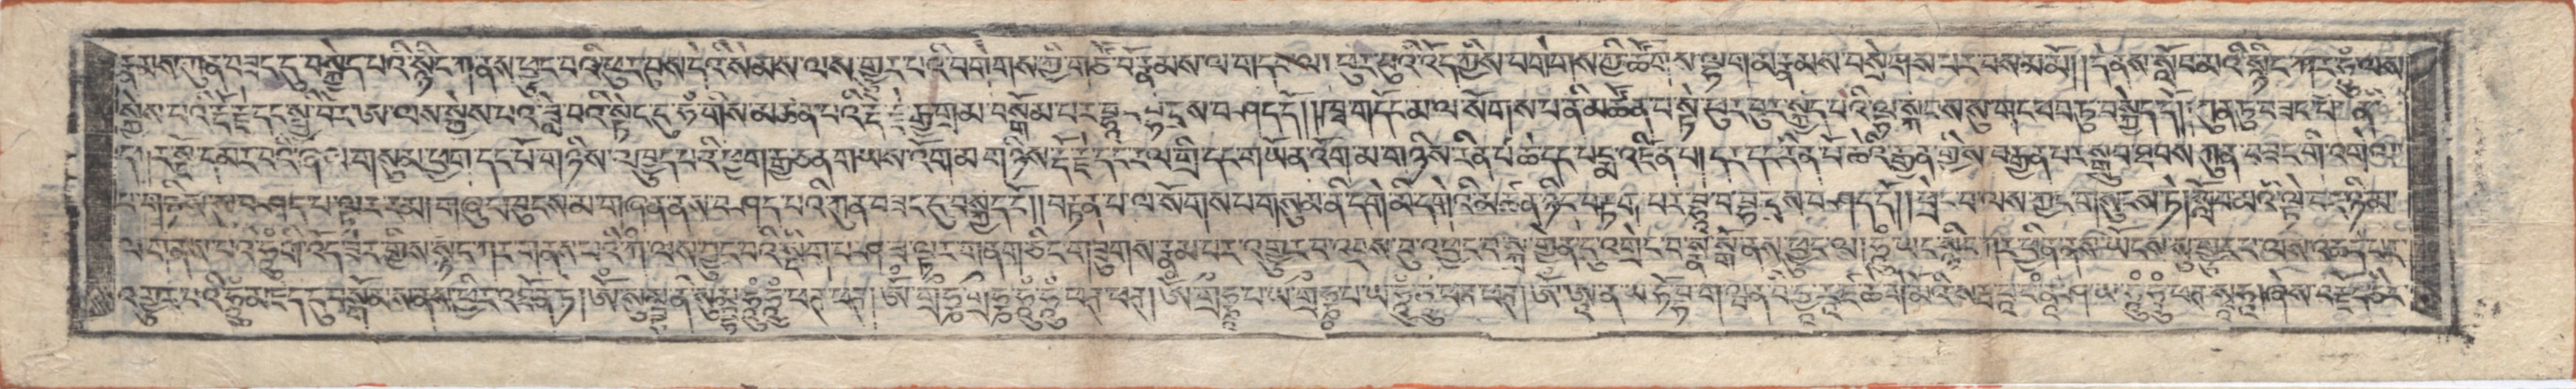རྣམས་ཀུན་བཟང་དུ་བསྐྱེད་པའི་སྙིང་ཀ་ནས་ཕྱུང་བའི་ཕུར་བུས་དེའི་སེམས་ལས་གྱུར་པའི་བགེགས་ཀྱི་གཙོ་བོ་རྣམས་ལ་གདབ་ལ། ཕུར་བུའི་འོད་ཀྱིས་བགེགས་ཀྱི་ཚོགས་ལྷག་མ་རྣམས་བསྲེགས་པར་བསམ་མོ། །དེ་ནས་སློབ་མའི་སྙིང་ཀར་ཧཱུཾ་ལས་
སྐྱེས་པའི་རྡོ་རྗེ་དང་སྤྱི་བོར་ཨ་ལས་སྐྱེས་པའི་ཟླ་བའི་སྟེང་དུ་ཧཾ་གིས་མཚན་པའི་རྡོ་རྗེ་རྒྱ་གྲམ་བསྒོམ་པར་བྷཱ་བ་བྷ་དྲས་བཤད་དོ། །ཁྭ་གདོང་མ་ལ་སོགས་པ་ནི་མཚོན་པ་སྟེ་ཕུར་བུར་སྐྱེད་པའི་ལྷ་སྐབས་སུ་གང་བབ་ཏུ་བསྐྱེད་དོ། །ཀུན་ཏུ་བཟང་པོ་ནི་
དཀར་སྔོ་དམར་བའི་ཞལ་གསུམ་ཕྱག་དང་པོ་གཉིས་འཁྱུད་པའི་ཕྱག་རྒྱ་ཅན་གཡས་འོག་མ་གཉིས་རྡོ་རྗེ་དང་རལ་གྲི་དང་གཡོན་འོག་མ་གཉིས་རིན་པ་ཆེ་དང་པདམ་འཛིན་པ། དར་དང་རིན་པོ་ཆེའི་རྒྱན་གྱིས་བརྒྱན་པར་སྒྲུབ་ཐབས་ཀུན་བཟང་གི་འགེལ་
པ་གཉིས་སུ་བཤད་པ་ལྟར་རམ། གཞུང་ཁུངས་མ་གཞན་ནས་བཤད་པའི་ཀུན་བཟང་དུ་བསྐྱད་དོ། །བརྟན་པ་ལ་སོགས་པ་གསུམ་ནི་དགེ་མི་དགེའི་མཚན་ཉིད་བརྟག་པར་བྷཱ་བ་བྷ་དྲས་བཤད་དོ། །ཕྲེང་བ་ལས་ཀྱང་གསུངས་ཏེ། སློབ་མའི་ལྟེ་བར་ཉི་མ་
ལ་གནས་པའི་ཧཱུཾ་གི་འོད་ཟེར་གྱིས་སྙིང་ཀར་གནས་པའི་ཀཾ་ལས་བྱུང་བའི་སྡིག་པ་ཤ་ཟ་ལྟར་གནག་ཅིང་གཟུགས་རྣམ་པར་འགྱུར་བ་འབྲས་བུ་འཕྱང་བ་སྐྲ་གྱེན་དུ་འགྲེང་བ་སྣ་སྒོ་ནས་ཕྱུང་ལ། ཧཱུཾ་ཡང་སྙིང་ཀར་ཕྱིན་ནས་ཡོངས་སུ་གྱུར་པ་ལས་འཆད་པར་
འགྱུར་པའི་ཧཱུཾ་མཛད་དུ་བསྒོམས་ནས་ཕྱིར་འཐོན་ཏེ། ཨོཾ་སུམྦྷ་ནི་སུམྦྷ་ཧཱུཾ་ཧཱུཾ་ཕཊ་ཕཊ། ཨོཾ་གྲྀཧྞ་གྲྀཧྞ་ཧཱུཾ་ཧཱུཾ་ཕཊ་ཕཊ། ཨོཾ་གྲྀཧྞཱ་པ་ཡ་གྲྀཧྞཱ་པ་ཡ་ཧཱུཾ་ཧཱུཾ་ཕཊ་ཕཊ། ཨོཾ་ཨཱ་ན་ཡ་ཧོ་བྷ་ག་ཝ་ན་བི་དྱཱ་རཱ་ཛ་ཆེ་གེ་མོའི་སརྦ་པཱ་པཾ་ནཱ་ཤ་ཡ་ཧཱུཾ་ཧཱུཾ་ཕཊ་སྭཱཧཱ། ཞེས་བརྗོད་ཅིང་